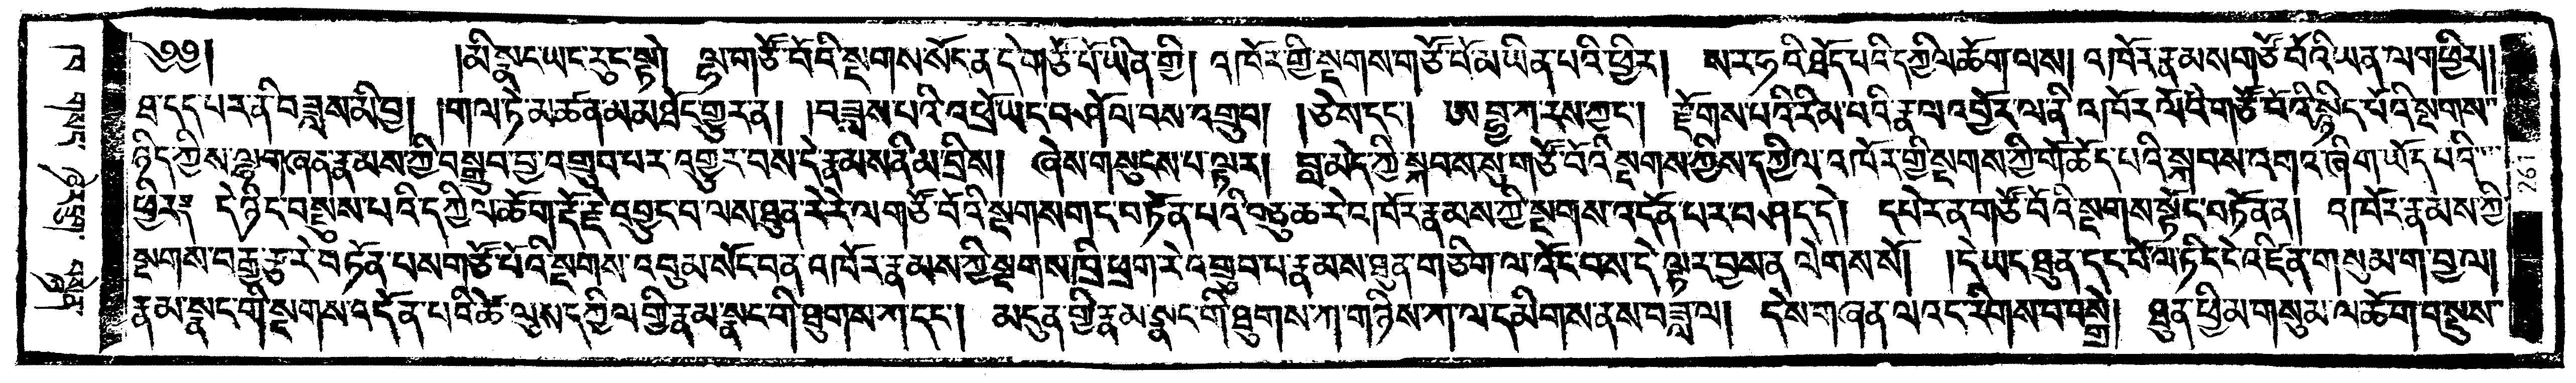༄༅། །མི་སྣང་ཡང་རུང་སྟེ། ལྷ་གཙོ་བོའི་སྔགས་སོང་ན་དེ་གཙོ་པོ་ཡིན་གྱི། འཁོར་གྱི་སྔགས་གཙོ་བོ་མ་ཡིན་པའི་ཕྱིར། སར་ཧའི་ཐོད་པའི་དཀྱིལ་ཆོག་ལས། འཁོར་རྣམས་གཙོ་བོའི་ཡན་ལག་ཕྱིར།
ཐ་དད་པར་ནི་བཟླས་མི་བྱ། །གལ་ཏེ་མཚན་མ་མཐོང་གྱུར་ན། །བཟླས་པའི་འཕྲོ་ཡང་བཤོལ་བས་འགྲུབ། །ཅེས་དང་། ཨབྷྱ་ཀ་རས་ཀྱང་། རྫོགས་པའི་རིམ་པའི་རྣལ་འབྱོར་ལ་ནི་འཁོར་ལོའི་གཙོ་བོའི་སྙིང་པོའི་སྔགས་
ཉིད་ཀྱིས་ལྷ་གཞན་རྣམས་ཀྱི་བསྒྲུབ་བྱ་འགྲུབ་པར་འགྱུར་བས་དེ་རྣམས་ནི་མ་བྲིས། ཞེས་གསུངས་པ་ལྟར། བླ་མེད་ཀྱི་སྐབས་སུ་གཙོ་བོའི་སྔགས་ཀྱིས་དཀྱིལ་འཁོར་གྱི་སྔགས་ཀྱི་གོ་ཆོད་པའི་སྐབས་འགའ་ཞིག་ཡོད་པའི་
ཕྱིར༑ དེ་ཉིད་བསྡུས་པའི་དཀྱིལ་ཆོག་རྡོ་རྗེ་འབྱུང་བ་ལས་ཐུན་རེ་རེ་ལ་གཙོ་བོའི་སྔགས་གང་བཏོན་པའི་བཅུ་ཆ་རེ་འཁོར་རྣམས་ཀྱི་སྔགས་འདོན་པར་བཤད་དེ། དཔེར་ན་གཙོ་བོའི་སྔགས་སྟོང་བཏོན་ན། འཁོར་རྣམས་ཀྱི་
སྔགས་བརྒྱ་རྩ་རེ་བཏོན་པས་གཙོ་བོའི་སྔགས་བུམ་སོང་བ་ན་འཁོར་རྣམས་ཀྱི་སྔགས་ཁྲི་ཕྲག་རེ་འགྲུབ་པ་རྣམས་ཐུན་གཅི་ལ་འོང་བས་དེ་ལྟར་བྱས་ན་ལེགས་སོ། །དེ་ཡང་ཐུན་དང་པོ་ལ་ཏིང་ངེ་འཛིན་གསུམ་ག་བྱ་ལ།
རྣམ་སྣང་གི་སྔགས་འདོན་པའི་ཚེ་ལུས་དཀྱིལ་གྱི་རྣམ་སྣང་གི་ཐུགས་ཀ་དང་། མདུན་གྱི་རྣམ་སྣང་གི་ཐུགས་ཀ་གཉིས་ཀ་ལ་དམིགས་ནས་བཟླ་ལ། དེས་གཞན་ལའང་རིགས་པ་བསྒྲེ། ཐུན་ཕྱི་མ་གསུམ་ལ་ཆོག་བསྡུས་